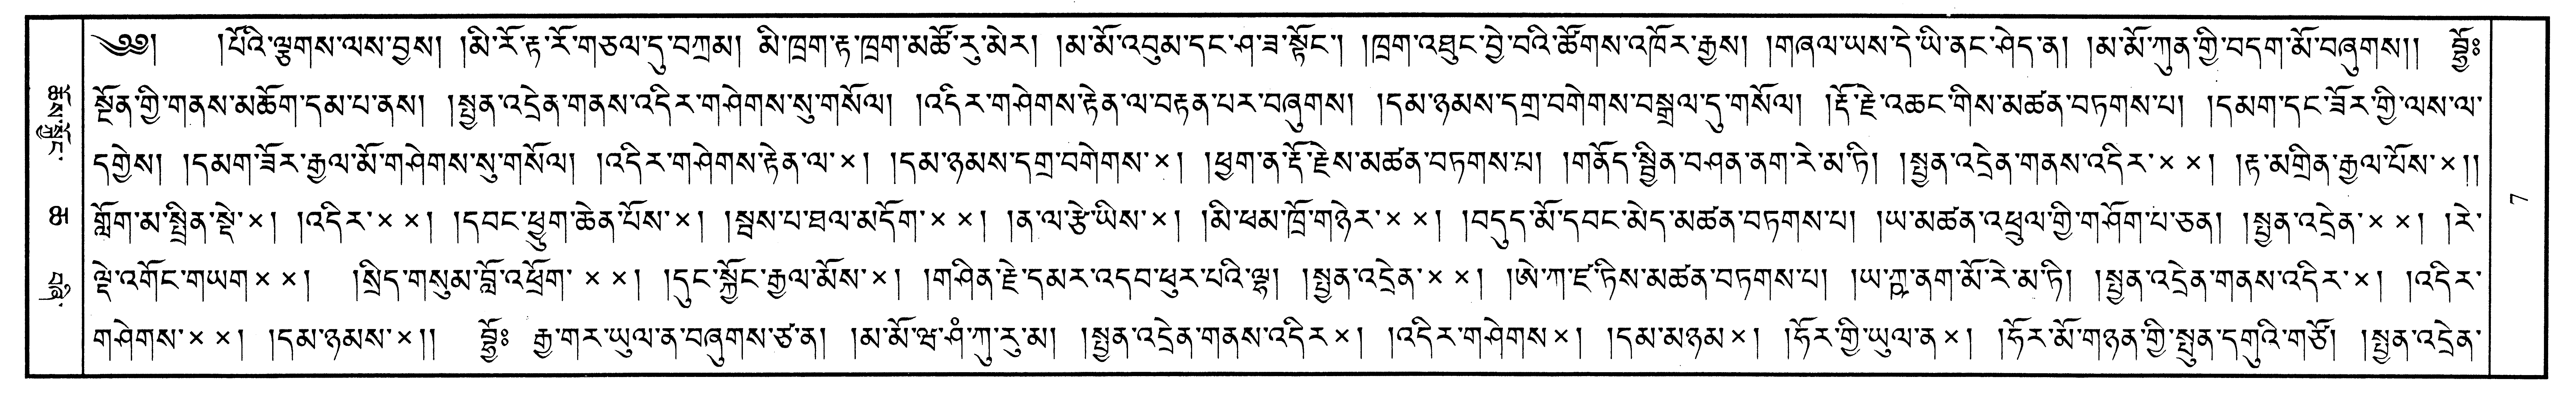༄༅། །པོའི་ལྕགས་ལས་བྱས། །མི་རོ་རྟ་རོ་གཅལ་དུ་བཀྲམ། མི་ཁྲག་རྟ་ཁྲག་མཚོ་རུ་མེར། །མ་མོ་འབུམ་དང་ཤ་ཟ་སྟོང་། །ཁྲག་འཐུང་བྱེ་བའི་ཚོགས་འཁོར་རྒྱས། །གཞལ་ཡས་དེ་ཡི་ནང་ཤེད་ན། །མ་མོ་ཀུན་གྱི་བདག་མོ་བཞུགས། །བྷྱོཿ
སྔོན་གྱི་གནས་མཆོག་དམ་པ་ནས། །སྤྱན་འདྲེན་གནས་འདིར་གཤེགས་སུ་གསོལ། །འདིར་གཤེགས་རྟེན་ལ་བརྟན་པར་བཞུགས། །དམ་ཉམས་དགྲ་བགེགས་བསྒྲལ་དུ་གསོལ། །རྡོ་རྗེ་འཆང་གིས་མཚན་བཏགས་པ། །དམག་དང་ཟོར་གྱི་ལས་ལ་
དགྱེས། །དམག་ཟོར་རྒྱལ་མོ་གཤེགས་སུ་གསོལ། །འདིར་གཤེགས་རྟེན་ལ་྾། །དམ་ཉམས་དགྲ་བགེགས་྾། །ཕྱག་ན་རྡོ་རྗེས་མཚན་བཏགས་པ། །གནོད་སྦྱིན་བཤན་ནག་རེ་མ་ཏི། །སྤྱན་འདྲེན་གནས་འདིར་྾྾། །རྟ་མགྲིན་རྒྱལ་པོས་྾།།
གློག་མ་སྤྲིན་སྡེ་྾། །འདིར་྾྾། །དབང་ཕྱུག་ཆེན་པོས་྾། །སྦས་པ་ཐལ་མདོག་྾྾། །ན་ལ་རྩེ་ཡིས། །མི་ཕམ་ཁོར་གཉེར་྾྾། །བདུད་མོ་དབང་མེད་མཚན་བཏགས་པ། །ཡ་མཚན་འཕྲུལ་གྱི་གཤོག་པ་ཅན། །སྤྱན་འདྲེན་྾྾། །རེ་
ལྡེ་འགོང་གཡག་྾྾། སྲིད་གསུམ་བློ་འཕྲོག་྾྾། །དུང་སྐྱོང་རྒྱལ་མོས་྾། །གཤིན་རྗེ་དམར་འདབ་ཕུར་པའི་ལྷ། །སྤྱན་འདྲེན་྾྾། །ཨེ་ཀ་ཛ་ཏིས་མཚན་བཏགས་པ། །ཡ་ཀྵ་ནག་མོ་རེ་མ་ཏི། །སྤྱན་འདྲེན་གནས་འདིར་྾། །འདིར་
གཤེགས་྾྾། །དམ་ཉམས་྾།། བྷྱོཿ རྒྱ་གར་ཡུལ་ན་བཞུགས་ཙ་ན། །མ་མོ་ཝ་ཤཾ་ཀུ་རུ་མ། །སྤྱན་འདྲེན་གནས་འདིར་྾། །འདིར་གཤེགས་྾། །དམ་མཉམ་྾། །ཧོར་གྱི་ཡུལ་ན་྾། །ཧོར་མོ་གཉན་གྱི་སྤུན་དགུའི་གཙོ། །སྤྱན་འདྲེན་